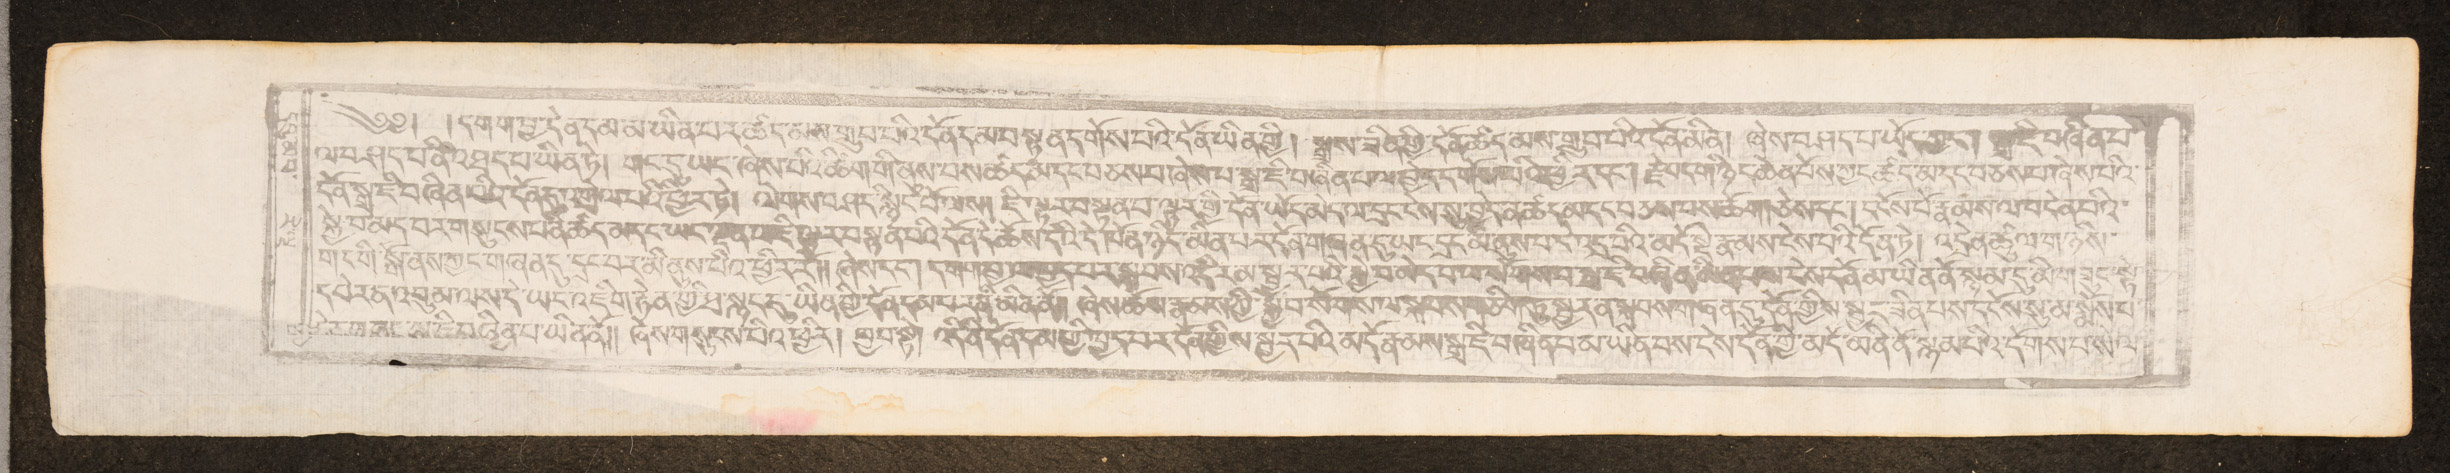༄༅། །དགག་བྱ་དོན་དམ་མ་ཡིན་པར་ཚད་མས་གྲུབ་པའི་དོན་དམ་བསྟན་དགོས་པའི་དོན་ཡིན་གྱི། སྒྲས་ཟིན་གྱི་དོན་ཚིད་མས་གྲུབ་པའི་དོན་མིན། ཞེས་བཤད་པ་ཡོད་ཀྱང་། སྒྲ་ཇི་བཞིན་པ་
ལ་བཤད་པ་ནི་འཐད་པ་ཡིན་ཏེ། གང་དུ་ཡང་ཞེས་པའི་ཚིག་གི་ནུས་པས་ཚད་མ་དང་བཅས་པ་ཞེས་པ་སྒྲ་ཇི་བཞིན་པ་ལ་བྱེད་དགོས་པའི་ཕྱིར་དང་། རྗེ་བདག་ཉིད་ཆེན་པོས་ཀྱང་ཚད་མ་དང་བཅས་པ་ཞེས་པའི་
དོན་སྒྲ་ཇི་བཞིན་པའི་དོན་དུ་འགྲེལ་བའི་ཕྱིར་ཏེ། ལེགས་བཤད་སྙིང་པོ་ལས། ཇི་ལྟར་བསྟན་པ་ལྟར་གྱི་དོན་ཡོད་མེད་ལ་དྲང་ངེས་སུ་བྱེད་ན་ཚད་མ་དང་བཅས་པས་ཆོག། ཅེས་དང་། །དངོས་པོ་རྣམས་ལ་བདེན་པའི་
སྐྱེ་བ་མེད་པར་གསུངས་པ་ནི་ཚད་མ་དང་ཡང་ལྡན་ལ་ཇི་ལྟར་བསྟན་པའི་དོན་དེ་ཆོས་དེའི་དེ་ཁོ་ན་ཉིད་མིན་པར་དོན་གཞན་དུ་ཡང་དྲང་མི་ནུས་པ་དེ་འདྲ་བའི་མདོ་སྡེ་རྣམས་དེས་པའི་དོན་ཏེ། འདྲེན་ཚུལ་གཉིས་
གང་གི་སྒོ་ནས་ཀྱང་གཞན་དུ་དྲང་བར་མི་ནུས་པའི་ཕྱིར་རོ་། །ཞེས་དང་། །དགག་བྱ་ལ་ཁྱད་པར་སྐབས་འདིར་མ་སྦྱར་བའི་སྐྱེ་བ་མེད་པ་ལ་སོགས་པ་སྒྲ་ཇི་བཞིན་མིན་པས་ངེས་དོན་མ་ཡིན་ནོ་སྙམ་དུ་མི་གཟུང་སྟེ་
དཔེར་ན་འབུམ་ལས་དེ་ཡང་འཇིག་རྟེན་གྱི་ཐ་སྙད་དུ་ཡིན་གྱི་དོན་དམ་པར་ནི་མིན་ནོ། །ཞེས་ཆོས་རྣམས་ཀྱི་སྐྱོབ་སོགས་ལ་སྐབས་གཅིག་ཏུ་སྦྱར་ན་སྐབས་གཞན་དུ་དོན་གྱིས་སྦྱར་ཟིན་པས་དངོས་སུ་མ་སྨོས་པ་
དེ་དག་ཀྱང་སྒྲ་ཇི་བཞིན་པ་ཡིན་ནོ། །ཞེས་གསུངས་པའི་ཕྱིར། ཁྱབ་སྟེ། འདི་ནི་དོན་དམ་གྱི་ཁྱད་པར་དོན་གྱིས་སྦྱར་བའི་མདོ་རྣམས་སྒྲ་ཇི་བཞིན་པ་མ་ཡིན་པས་ངེས་དོན་གྱི་མདོ་མིན་ནོ་སྙམ་པའི་དོགས་པ་སེལ་